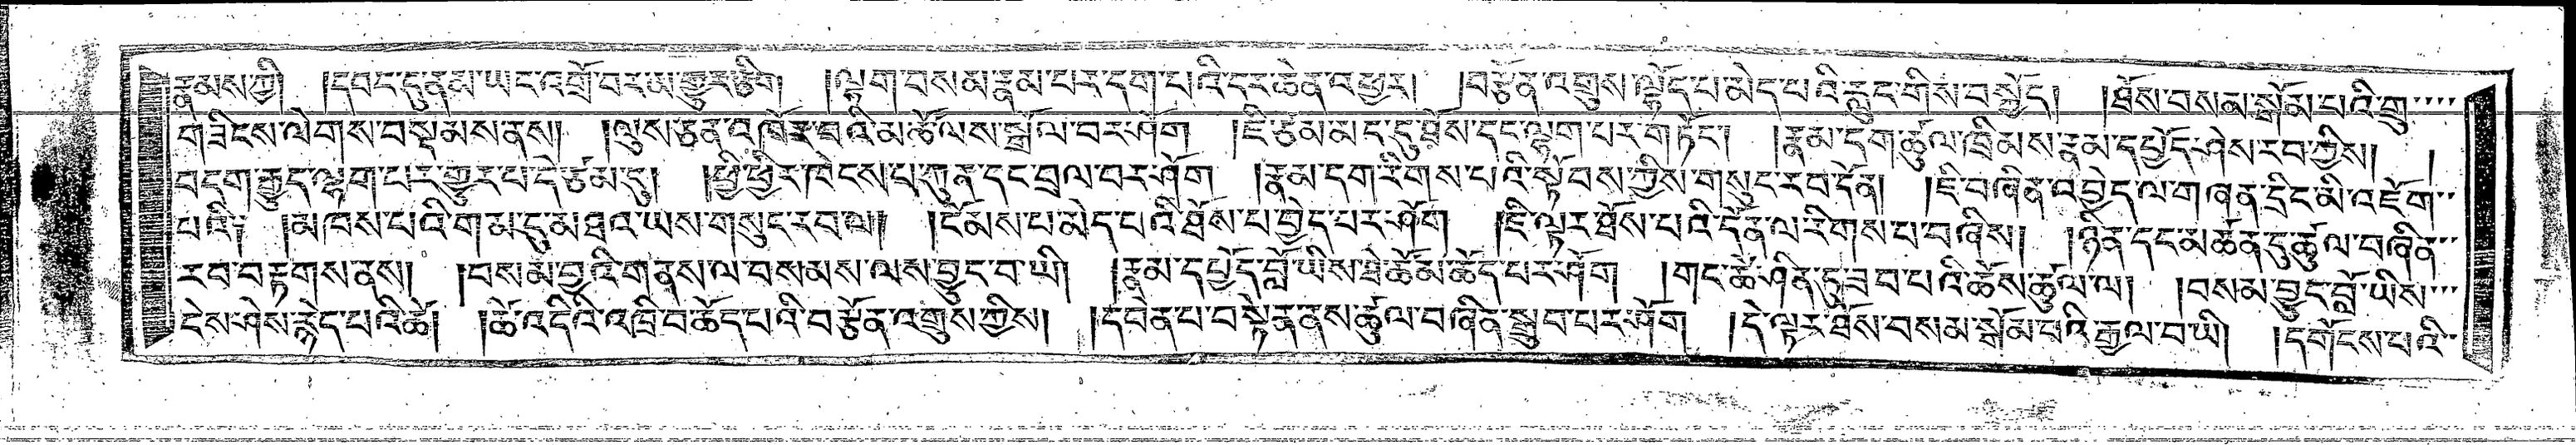རྣམས་ཀྱི། །དབང་དུ་ནམ་ཡང་འགྲོ་བར་མ་གྱུར་ཅིག །ལྷག་བསམ་རྣམ་པར་དག་པའི་དར་ཆེན་འཕྱར། །བརྩོན་འགྲུས་ལྷོད་པ་མེད་པའི་རླུང་གིས་བསྐྱོད། །ཐོས་བསམ་སྒོམ་པའི་གྲུ་
གཟིངས་ལེགས་བསྡམས་ནས། །ལུས་ཅན་འཁོར་བའི་མཚོ་ལས་སྒྲོལ་བར་ཤོག །ཇི་ཙམ་མང་དུ་ཐོས་དང་ལྷག་པར་གཏོང་། །རྣམ་དག་ཚུལ་ཁྲིམས་རྣམ་དཔྱོད་ཤེས་རབ་ཀྱིས། །
བདག་རྒྱུད་ལྷག་པར་གྱུར་པ་དེ་ཙམ་དུ། །ཕྱི་ཕྱིར་ཁེངས་པ་ཀུན་དང་བྲལ་བར་ཤོག །རྣམ་དག་རིགས་པའི་སྟོབས་ཀྱིས་གསུང་རབ་དོན། །ཇི་བཞིན་འབྱེད་ལ་གཞན་དྲིང་མི་འཇོག་
པའི༑ །མཁས་པའི་གམ་དུ་མཐའ་ཡས་གསུང་རབ་ལ། །ངོམས་པ་མེད་པའི་ཐོས་པ་བྱེད་པར་ཤོག །ཇི་ལྟར་ཐོས་པའི་དོན་ལ་རིགས་པ་བཞིས། །ཉིན་དང་མཚན་དུ་ཚུལ་བཞིན་
རབ་བརྟགས་ནས། །བསམ་བྱའི་གནས་ལ་བསམས་ལས་བྱུང་བ་ཡི། །རྣམ་དཔྱོད་བློ་ཡིས་ཐེ་ཚོམ་ཆོད་པར་ཤོག །གང་ཚེ་ཤིན་ཏུ་ཟབ་པའི་ཆོས་ཚུལ་ལ། །བསམ་བྱུང་བློ་ཡིས་
ངེས་ཤེས་རྙེད་པའི་ཚེ། །ཚེ་འདིའི་འཁྲི་བ་ཆོད་པའི་བརྩོན་འགྲུས་ཀྱིས། །དབེན་པ་བསྟེན་ནས་ཚུལ་བཞིན་སྒྲུབ་པར་ཤོག །དེ་ལྟར་ཐོས་བསམ་སྒོམ་པའི་རྒྱལ་བ་ཡི། །དགོངས་པའི་